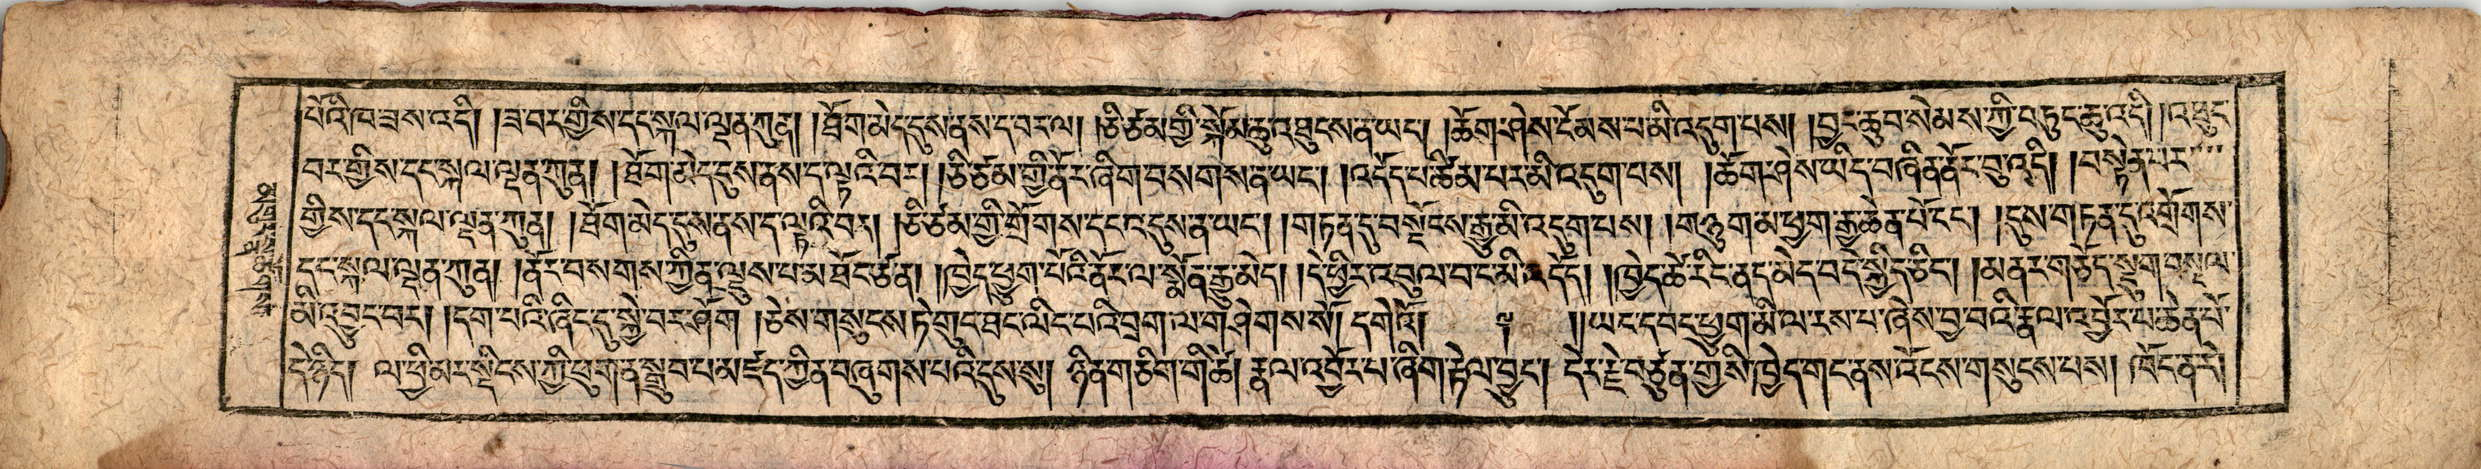པོའི་ཁ་ཟས་འདི། །ཟ་བར་གྱིས་དང་སྐལ་ལྡན་ཀུན། །ཐོག་མེད་དུས་ནས་ད་བར་ལ། །ཅི་ཙམ་གྱི་སྐོམ་ཆུ་འཐུངས་ན་ཡང། །ཆོག་ཤེས་ངོམས་པ་མི་འདུག་པས། །བྱང་ཆུབ་སེམས་ཀྱི་བཏུང་ཆུ་འདི། །འཐུང་
བར་གྱིས་དང་སྐལ་ལྡན་ཀུན། །ཐོག་མེད་དུས་ནས་ད་ལྟའི་བར། །ཅི་ཙམ་གྱི་ནོར་ཞིག་བསགས་ན་ཡང་། །འདོད་པ་ཚིམ་པར་མི་འདུག་པས། །ཆོག་ཤེས་ཡིད་བཞིན་ནོར་བུ་འདི། །བསྟེན་པར་
གྱིས་དང་སྐལ་ལྡན་ཀུན། །ཐོག་མེད་དུས་ནས་ད་ལྟའི་བར། །ཅི་ཙམ་གྱི་གྲོགས་དང་འདུས་ན་ཡང་། །གཏན་དུ་བསྡོངས་རྒྱུ་མི་འདུག་པས། །གཉུག་མ་ཕྱག་རྒྱ་ཆེན་པོ་ངང་། །དུས་གཏན་དུ་འགྲོགས་
དང་སྐལ་ལྡན་ཀུན། །ནོར་བསགས་ཀྱིན་ལྡུས་པ་མཐོང་ཙ་ན། །ཁྱེད་ཕྱུག་པོའི་ནོར་ལ་སྨིན་རྒྱུ་མེད། །དེ་ཕྱིར་འབུལ་བ་ང་མི་འདོད། །ཁྱེད་ཚེ་རིང་ནད་མེད་བདེ་སྐྱིད་ཅིང་། །མནར་གཅོད་སྡུག་བསྔལ་
མི་འབྱུང་བར། །དག་པའི་ཞིང་དུ་སྐྱེ་བར་ཤོག །ཅེས་གསུངས་ཏེ་གུང་ཐང་ལིང་པའི་བྲག་ལ་གཤེགས་སོ། དགེའོ།། ༈ །ཡང་དབང་ཕྱུག་མི་ལ་རས་པ་ཞེས་བྱ་བའི་རྣལ་འབྱོར་པ་ཆེན་པོ་
དེ་ཉིད། ལ་ཕྱི་མར་སྡིངས་ཀྱི་ཕུག་ན་སྒྲུབ་པ་མཛད་ཀྱིན་བཞུགས་པའི་དུས་སུ། ཉིན་གཅིག་གི་ཚེ། རྣལ་འབྱོར་པ་ཞིག་རྟེལ་བྱུང་། དེར་རྗེ་བཙུན་གྱིས་ཁྱེད་གང་ནས་འོངས་གསུངས་པས། ཁོང་ན་རེ།